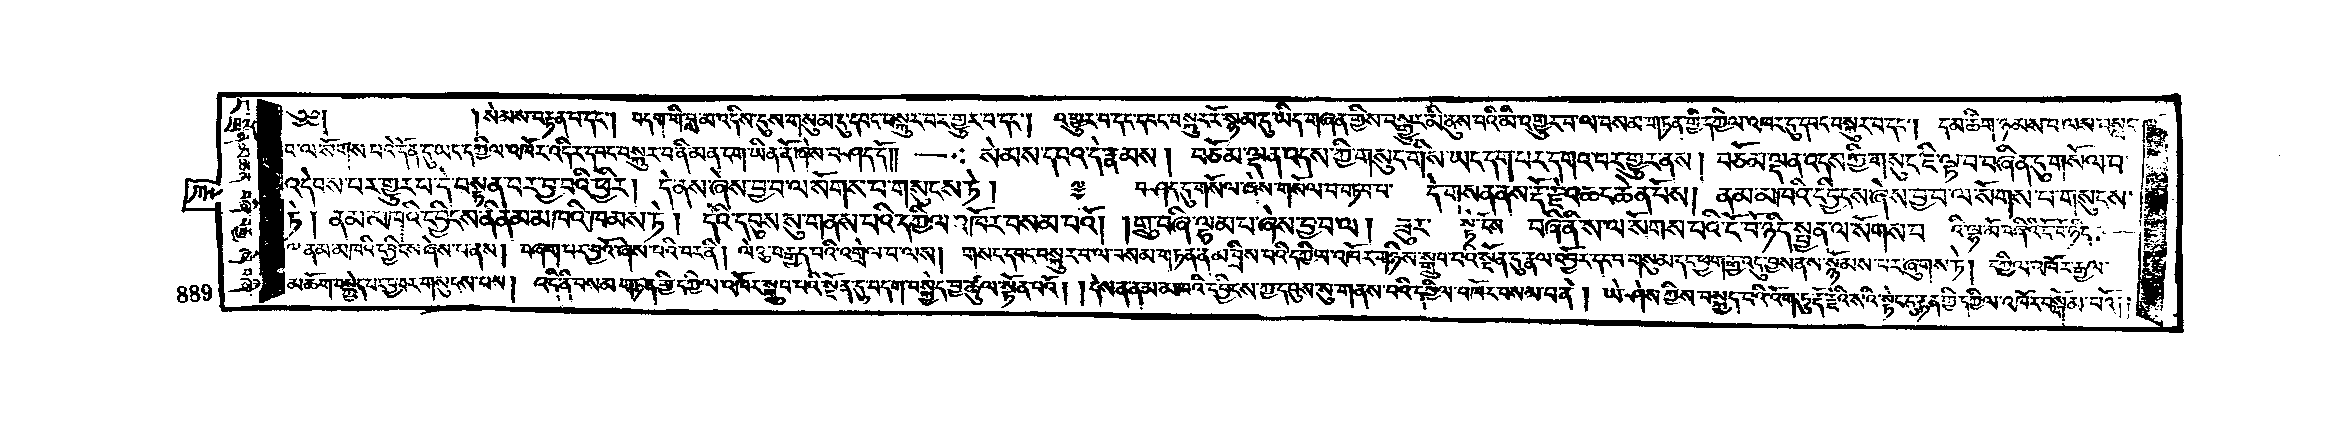༄༅། །སེམས་བརྟན་པ་དང་། བདག་གི་བླ་མ་འདིས་དུས་གསུམ་དུ་དབང་བསྐུར་བར་གྱུར་པ་དང་། འགྱུར་བ་དང་དབང་བསྐུར་རོ་སྙམ་དུ་ཡིད་གཞན་གྱིས་བསྒྱུར་མི་ནུས་པའི་མི་འགྱུར་བ་ལ་བསམ་གཏན་གྱི་དཀྱིལ་འཁོར་དུ་དབང་བསྐུར་བ་དང་། དམ་ཚིག་ཉམས་པ་ལས་བསླང་
བ་ལ་སོགས་པའི་དོན་དུ་ཡང་དཀྱིལ་འཁོར་འདིར་དབང་བསྐུར་བ་ནི་མན་ངག་ཡིན་ནོ་ཞེས་བཤད་དོ།། .H སེམས་དཔའ་དེ་རྣམས། བཅོམ་ལྡན་འདས་ཀྱི་གསུང་གིས་ཡང་དག་པར་དགའ་བར་གྱུར་ནས། བཅོམ་ལྡན་འདས་ཀྱི་གསུང་ཇི་ལྟ་བ་བཞིན་དུ་གསོལ་བ་
འདེབས་པར་གྱུར་པ་དེ་བསྟན་པར་བྱ་བའི་ཕྱིར། དེ་ནས་ཞེས་བྱ་བ་ལ་སོགས་པ་གསུངས་ཏེ། ༈ བཤད་དུ་གསོལ་ཞེས་གསོལ་བ་བཏབ་པ་དེ་གསན་ནས་རྡོ་རྗེ་འཆང་ཆེན་པོས། ནམ་མཁའི་དབྱིངས་ཞེས་བྱ་བ་ལ་སོགས་པ་གསུངས་
ཏེ། ནམ་མཁའི་དབྱིངས་ནི་ནམ་མཁའི་ཁམས་ཏེ། དེའི་དབུས་སུ་གནས་པའི་དཀྱིལ་འཁོར་བསམ་པའོ། །གྲུ་བཞི་ལྷམ་པ་ཞེས་བྱ་བ་ལ། ཟུར་སྟེ་ངོས་བཞི་ནི་ས་ལ་སོགས་པའི་ངོ་བོ་ཉིད་སྤྱན་ལ་སོགས་པའི་ལྷ་མོ་བཞིའི་ངོ་བོ་ཉིད་H.
༧་ནམ་མཁའི་དབྱིངས་ཞེས་པ་ནས། བཞག་པར་བྱའོ་ཞེས་པའི་བར་ནི། ལེའུ་བརྒྱད་པའི་འགྲེལ་པ་ལས། གསང་དབང་བསྐུར་བ་ལ་བསམ་གཏན་ནམ་བྲིས་པའི་དཀྱིལ་འཁོར་གཉིས་སྒྲུབ་པའི་སྔོན་དུ་རྣལ་འབྱོར་དང་པོ་གསུམ་དང་ཕྱག་རྒྱ་འདུ་བྱས་ནས་སྙོམས་པར་ཞུགས་ཏེ། དཀྱིལ་འཁོར་རྒྱལ་
མཆོག་བསྐྱེད་པར་བྱ་བར་གསུངས་པས། འདི་ནི་བསམ་གཏན་གྱི་དཀྱིལ་འཁོར་སྒྲུབ་པའི་སྔོན་དུ་བདག་བསྐྱེད་བྱ་ཚུལ་སྟོན་པའོ། །དེས་ན་ནམ་མཁའི་དབྱིངས་ཀྱི་དབུས་སུ་གནས་པའི་དཀྱིལ་འཁོར་བསམ་པ་ནི། ཡེ་ཤེས་ཀྱིས་བསྐྱད་པའི་འོག་ཏུ་རྡོ་རྗེའི་སའི་སྟེང་དུ་རྟན་གྱི་དཀྱིལ་འཁོར་བསྒོམ་པའོ།།